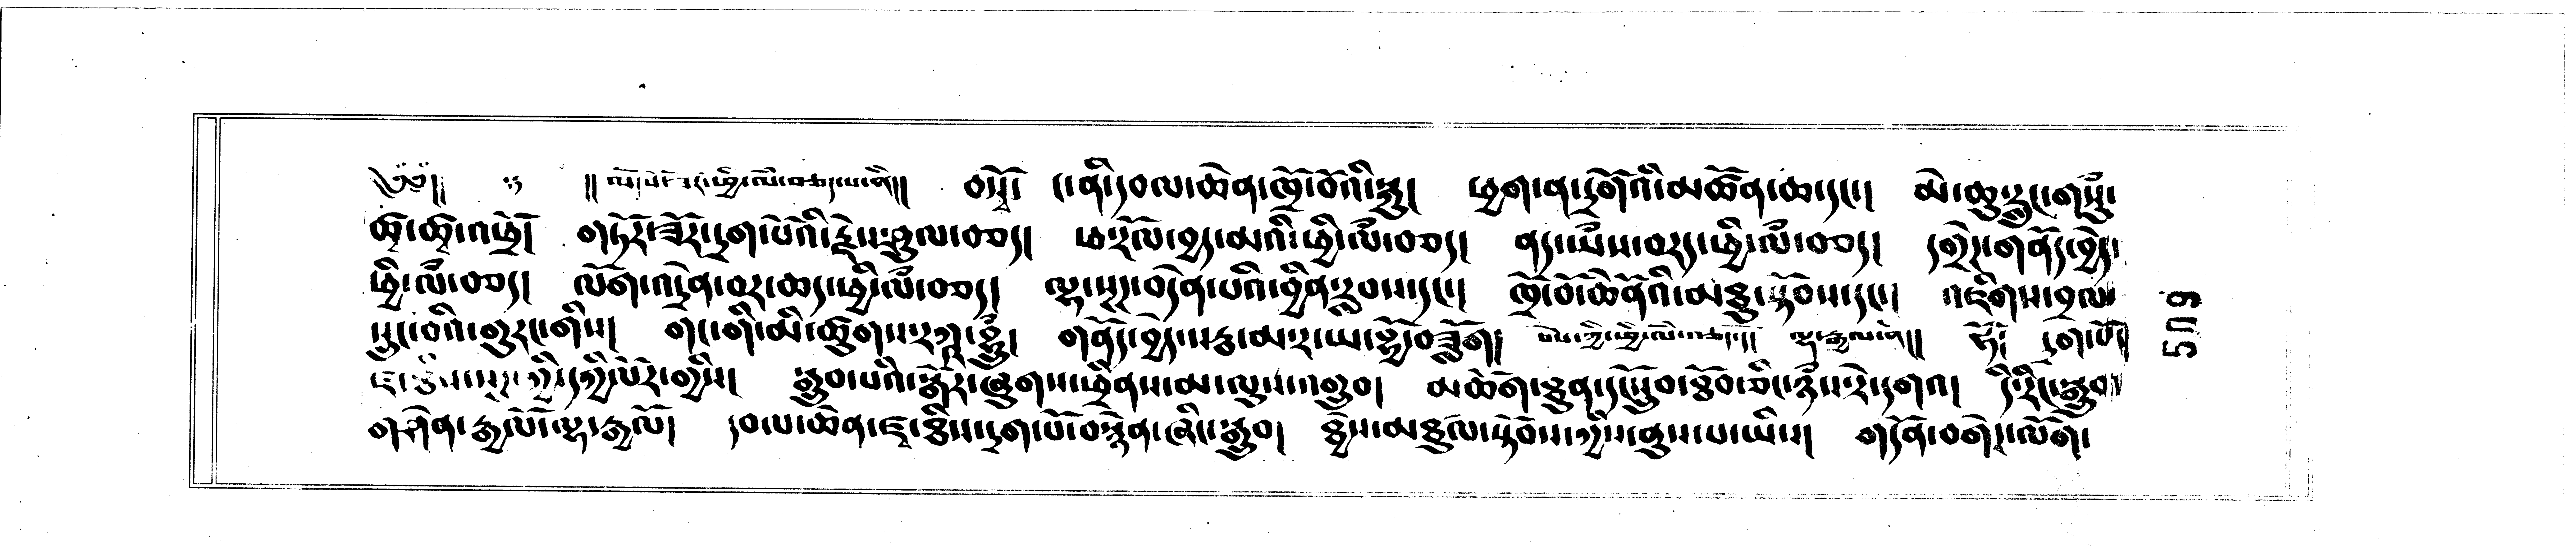།།མདོས་ཟོར་ཕྱི་ལམ་བཅད་པ་ནི།། བསྭོ། ང་ནི་དབལ་ཆེན་ཁྲོ་བོའི་སྐུ། ཕྱག་ན་དྲག་པོའི་མཚོན་ཆ་དང་། མེ་ཆུ་རླུང་གསུམ་
ཚྭ་ཚྭ་འཕྲོ།གཏོར་ཟོར་དྲག་པོའི་རྗེས་ཤུལ་བཅད། ཕ་རོལ་བྱད་མའི་ཕྱི་ལམ་བཅད། ནད་ཡམས་བར་ཆད་ཕྱི་ལམ་བཅད། དགྲ་བགེགས་གནོད་བྱེད་
ཕྱི་ལམ་བཅད། ལོག་འདྲེན་བར་ཆད་ཕྱི་ལམ་བཅད། ལྷ་སྔགས་བདེན་པའི་བྱིན་རླབས་དང་། ཁྲོ་བོ་ཆེན་པོའི་མཐུ་སྟོབས་དང་། འཇིགས་བྲལ་
སྲུང་བའི་གུར་ཁང་གིས། གང་གིས་མི་ཚུགས་རཀྵ་བྷྲུཾ། གནོད་བྱེད་སརྦ་མ་ར་ཡ་བྷྱོ་བཟློག ཅེས་ཀྱི་ཕྱི་ལམ་བཅད་དོ།།ལྷ་རྒྱལ་ནི།། ཧོ། དྲག་པོ། 
ཛྭ་ཐིས་སྔགས་ཀྱི་དཀྱིལ་འཁོར་གྱིས། སྒྲུབ་པའི་སྒོར་ཞུགས་ཕྲིན་ལས་མ་ལུས་འགྲུབ། མཆོག་ཐུན་དངོས་གྲུབ་ཐོབ་ཅིང་ཉམས་རེ་དགའ། དེ་རིང་སྒྲུབ་
གཤེན་རྒྱལ་ལོ་ལྷ་རྒྱལ་ལོ། དབལ་ཆེན་ཛྭ་ཐིས་དྲག་པོ་བསྙེན་ཞིང་སྒྲུབ། ཐུགས་རྗེ་མཐུ་རྩལ་སྟོབས་ཀྱིས་ནུས་པ་ཡིས། གདོན་བགེགས་ལོག་